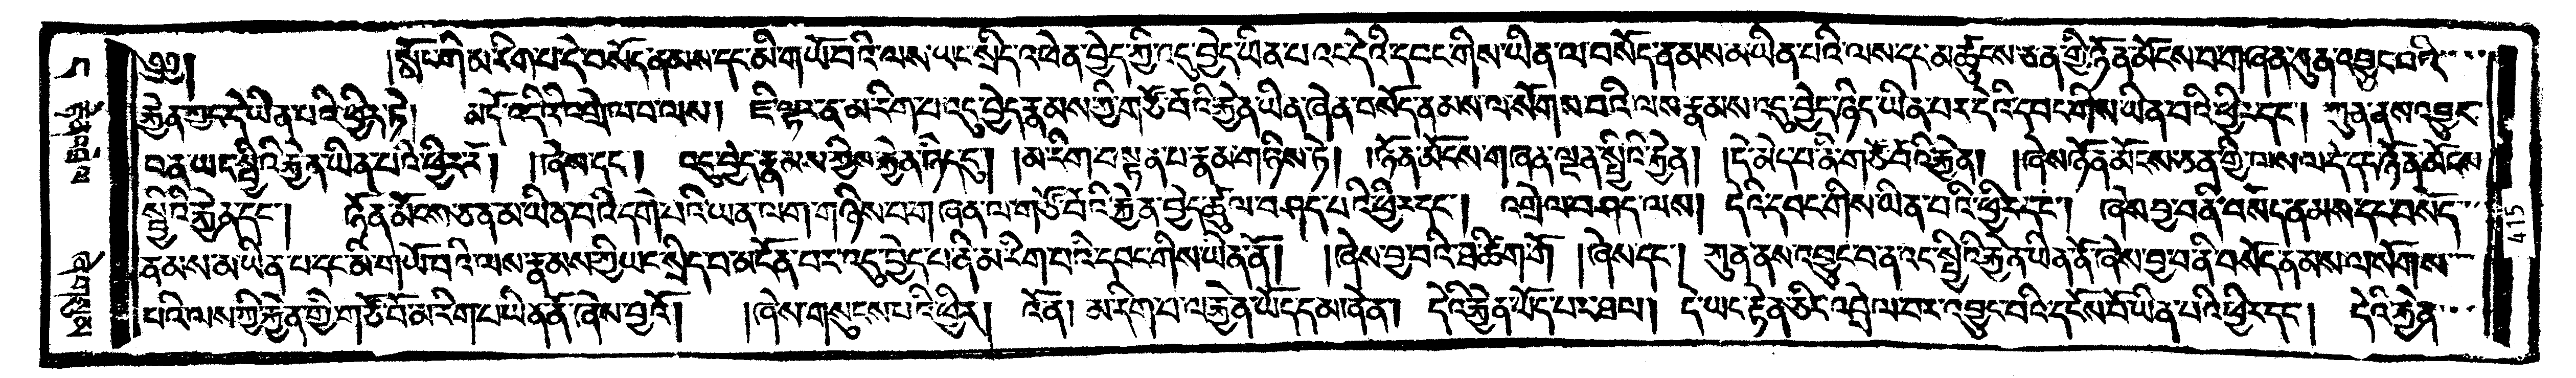༄༅། །སློང་གི་མ་རིག་པ་དེ་བསོད་ནམས་དང་མི་གཡོ་བའི་ལས་ཡང་སྲིད་འཕེན་བྱེད་ཀྱི་འདུ་བྱེད་ཡིན་པའང་དེའི་དབང་གིས་ཡིན་ལ་བསོད་ནམས་མ་ཡིན་པའི་ལས་དང་མཚུངས་ཅན་གྱི་ཉོན་མོངས་པ་གཞན་ཀུན་འབྱུང་བའི་
རྐྱེན་ཀྱང་དེ་ཡིན་པའི་ཕྱིར་ཏེ། མདོ་འདིའི་འགྲེལ་བ་ལས། ཇི་ལྟར་ན་མ་རིག་པ་འདུ་བྱེད་རྣམས་ཀྱི་གཙོ་བོའི་རྐྱེན་ཡིན་ཞེ་ན་བསོད་ནམས་ལ་སོགས་པའི་ལས་རྣམས་འདུ་བྱེད་ཉིད་ཡིན་པར་དེའི་དབང་གིས་ཡིན་པའི་ཕྱིར་དང་། ཀུན་ནས་འབྱུང་
བ་ན་ཡང་སྤྱིའི་རྐྱེན་ཡིན་པའི་ཕྱིར་རོ། །ཞེས་དང་། འདུ་བྱེད་རྣམས་ཀྱིས་རྐྱེན་ཉིད་དུ། །མ་རིག་བསྟན་པ་རྣམ་གཉིས་ཏེ། །ཉོན་མོངས་གཞན་ལྡན་སྤྱིའི་རྐྱེན། །དེ་མེད་པ་ནི་གཙོ་བོའི་རྐྱེན། །ཞེས་ཉོན་མོངས་ཅན་གྱི་ལས་ལ་དེ་དང་ཉོན་མོངས་
སྤྱིའི་རྐྱེན་དང་། ཉོན་མོངས་ཅན་མ་ཡིན་པའི་དགེ་བའི་ཡན་ལག་གཉིས་པ་གཞན་ལ་གཙོ་བོའི་རྐྱེན་བྱེད་ཚུལ་བཤད་པའི་ཕྱིར་དང་། འགྲེལ་བཤད་ལས། དེའི་དབང་གིས་ཡིན་པའི་ཕྱིར་དང་། ཞེས་བྱ་བ་ནི་བསོད་ནམས་དང་བསོད་
ནམས་མ་ཡིན་པ་དང་མི་གཡོ་བའི་ལས་རྣམས་ཀྱི་ཡང་སྲིད་པ་མངོན་པར་འདུ་བྱེད་པ་ནི་མ་རིག་པའི་དབང་གིས་ཡིན་ནོ། །ཞེས་བྱ་བའི་ཐ་ཚིག་གོ །ཞེས་དང་། ཀུན་ནས་འབྱུང་བ་ནའང་སྤྱིའི་རྐྱེན་ཡིན་ནོ་ཞེས་བྱ་བ་ནི་བསོད་ནམས་ལ་སོགས་
པའི་ལས་ཀྱི་རྐྱེན་གྱི་གཙོ་བོ་མ་རིག་པ་ཡིན་ནོ་ཞེས་བྱའོ། །ཞེས་གསུངས་པའི་ཕྱིར། འོ་ན། མ་རིག་པ་ལ་རྐྱེན་ཡོད་དམ་ཞེ་ན། དེའི་རྐྱེན་ཡོད་པར་ཐལ། དེ་ཡང་རྟེན་ཅིང་འབྲེལ་བར་འབྱུང་བའི་དངོས་པོ་ཡིན་པའི་ཕྱིར་དང་། དེའི་རྐྱེན་